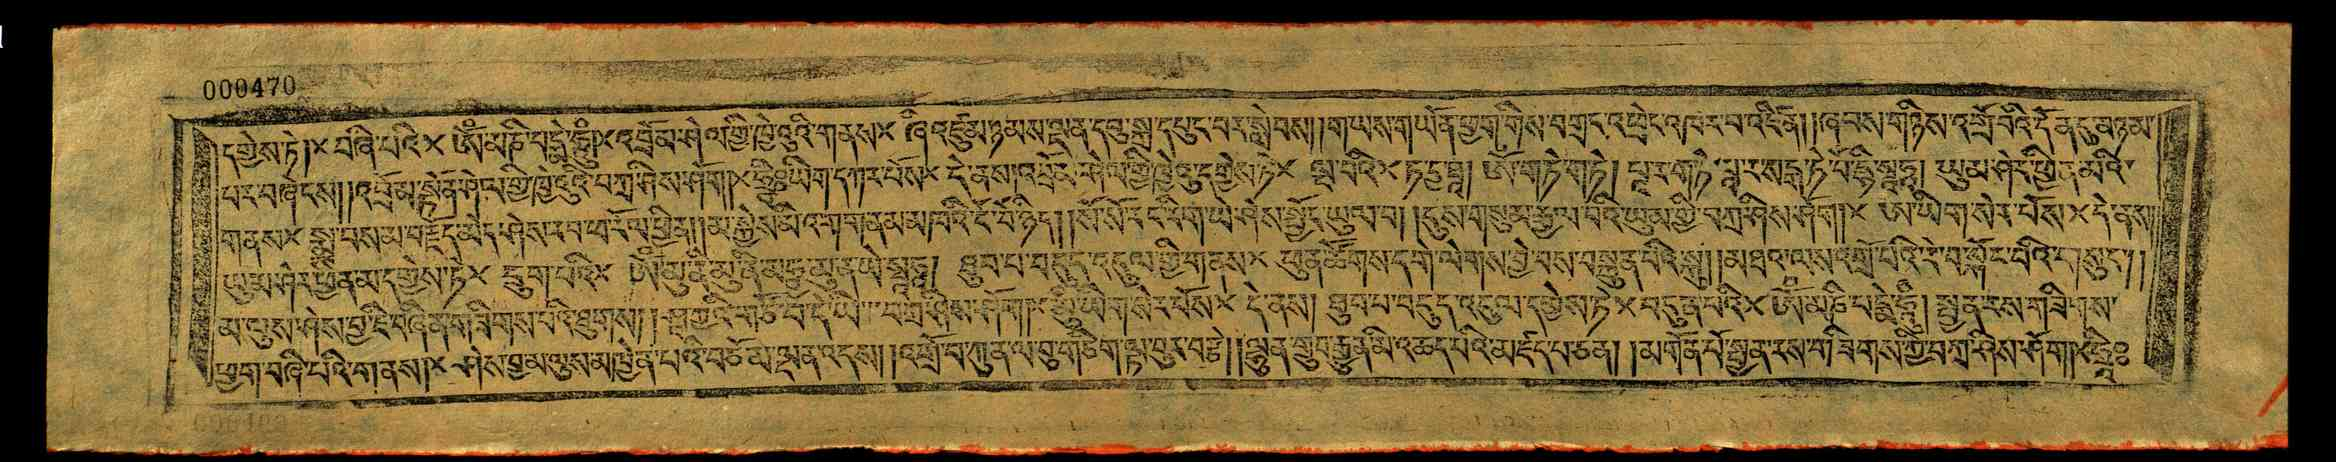དགྱེས་ཏེ། ྾་བཞི་པའི་྾་།ཨོཾ་མ་ཎི་པདམེ་ཧཱུཾ། ྾་འབྲོམ་ཤེལ་གྱི་ཁྱེའུའི་གནས་྾་ཞི་འཛུམ་ཉམས་ལྡན་དབུ་སྐྲ་དཔུང་པར་སླེབས། །གཡས་གཡོན་ཕྱག་གིས་བགྲང་འཕྲེང་འཁར་བ་འཛིན། །ཞབས་གཉིས་འགྲོ་བའི་དོན་དུ་མཉམ་
པར་བཞེངས། །འབྲོམ་སྟོན་ཤེལ་གྱི་ཁྱེའུའི་བཀྲ་ཤིས་ཤོག ། ྾་ཧྲཱིཿ ཡིག་དཀར་པོས་྾་དེ་ནས། འབྲོམ་ཤེལ་གྱི་ཁྱེའུ་དཀྱེས་ཏེ་྾་ལྔ་པའི་྾་ཏདྱ་ཐཱ། ཨོཾ་གཏེ་གཏེ། པཱ་ར་ག་ཏེ་པཱ་ར་སངྒ་ཏེ་བོ་དྷཾ་སྭཱཧཱ། ཡུམ་ཤེར་བྱེན་མའི་
གནས་྾་སྨྲ་བསམ་བརྗོད་མེད་ཤེས་རབ་ཕ་རོལ་ཕྱིར། །མ་སྐྱེས་མི་འགག་ནམ་མཁའི་ངོ་བོ་ཉིད། །སོ་སོ་རང་རིག་ཡེ་ཤེས་སྤྱོད་ཡུལ་པ། །དུས་གསུམ་རྒྱལ་བའི་ཡུམ་ཀྱི་བཀྲ་ཤིས་ཤོག ། ྾་ཨ་ཡིག་སེར་པོས་྾་དེ་ནས་
ཡུམ་ཤེར་ཕྱིན་མེད་?་གྱེས་ཏེ་྾་དྲུག་པའི་྾་ཨོཾ་ཨུ་ནི་མུ་ན་མཧཱ་མུན་ཡེ་སྭཱཧའ། ཐུབ་པ་བདུད་འདུལ་གྱི་གནས་྾་ཕུན་ཚོགས་དགེ་ལེགས་བྱེ་བས་བསྐྲུན་པའི་སྐུ། །མཐའ་ཡས་འགྲོ་བའི་རེ་བ་སྐོང་བའི་གསུང་།
མ་ལུས་ཤེས་བྱ་ཇི་བཞིན་གཟིགས་པའི་ཐུགས། །ཤཱཀྱའི་གཙོ་བོ་དེ་ཡི་བཀྲ་ཤེས་ཤོག ། ྾་མུ་ཡིག་སེར་པོས་྾་དེ་ནས། ཐུབ་པ་བདུད་འདུལ་དགྱེས་ཏེ་྾་བདུན་པའི་྾་ཨོཾ་མ་ཎི་པདམེ་ཧཱཾ། སྤྱན་རས་གཟིགས་
ཕྱག་བཞི་པའི་གནས། ྾་ཤེས་བྱ་མ་ལུས་མཁྱེན་པའི་བཅོམ་ལྡན་འདས། །འགྲོ་བ་ཀུན་ལ་བུ་གཅིག་ལྷ་བུར་བརྩེ། །ལྷུན་གྲུབ་རྒྱུན་མི་འཆད་པའི་མཛད་པ་ཅན། །མགོན་པོ་སྤྱན་རས་གཟིགས་ཀྱི་བཀྲ་ཤེས་ཤོག ། ྾་ཧྲཱིཿ